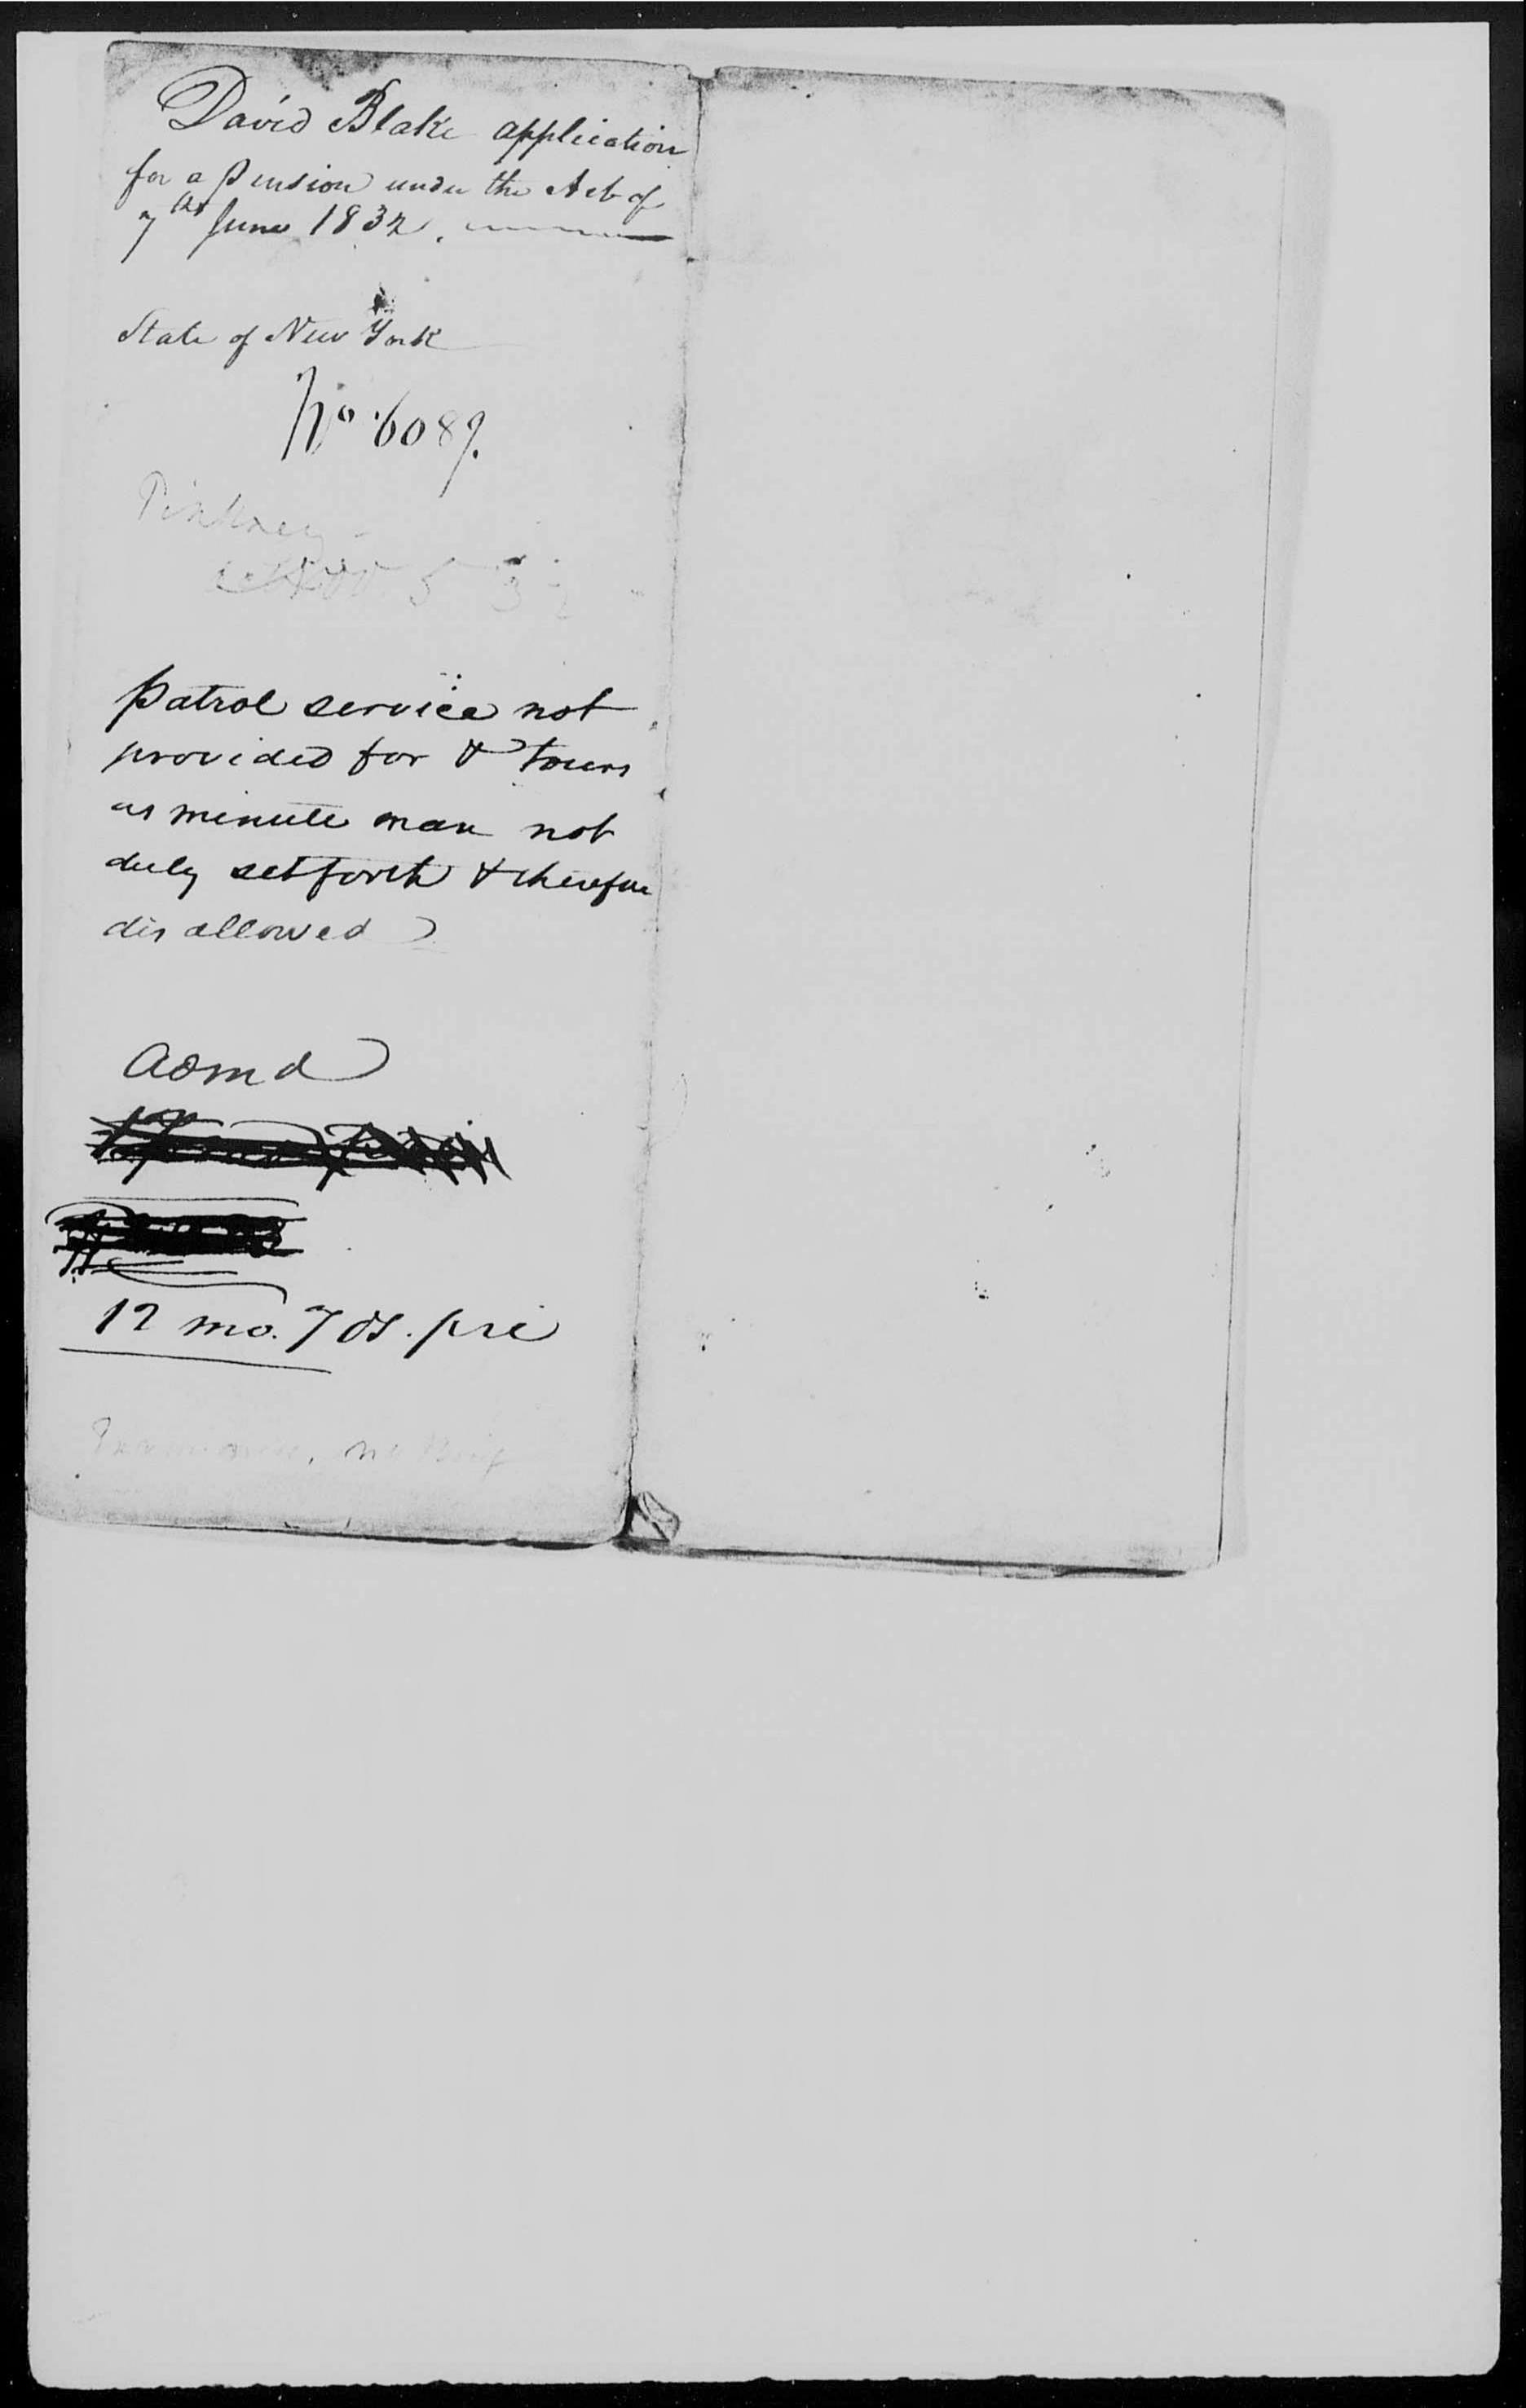David Blake application
for a pension under the Act of
7th June 1832 [illegible]
State of New York
No 6089.
[illegible]
patrol service not
provided for & tours
as minute man not
duly set forth & therefore
disallowed
Adm
12 mo. Tos pre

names: David Blake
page: 3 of 21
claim: survivor's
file: S. 23,128, David Blake, Conn.